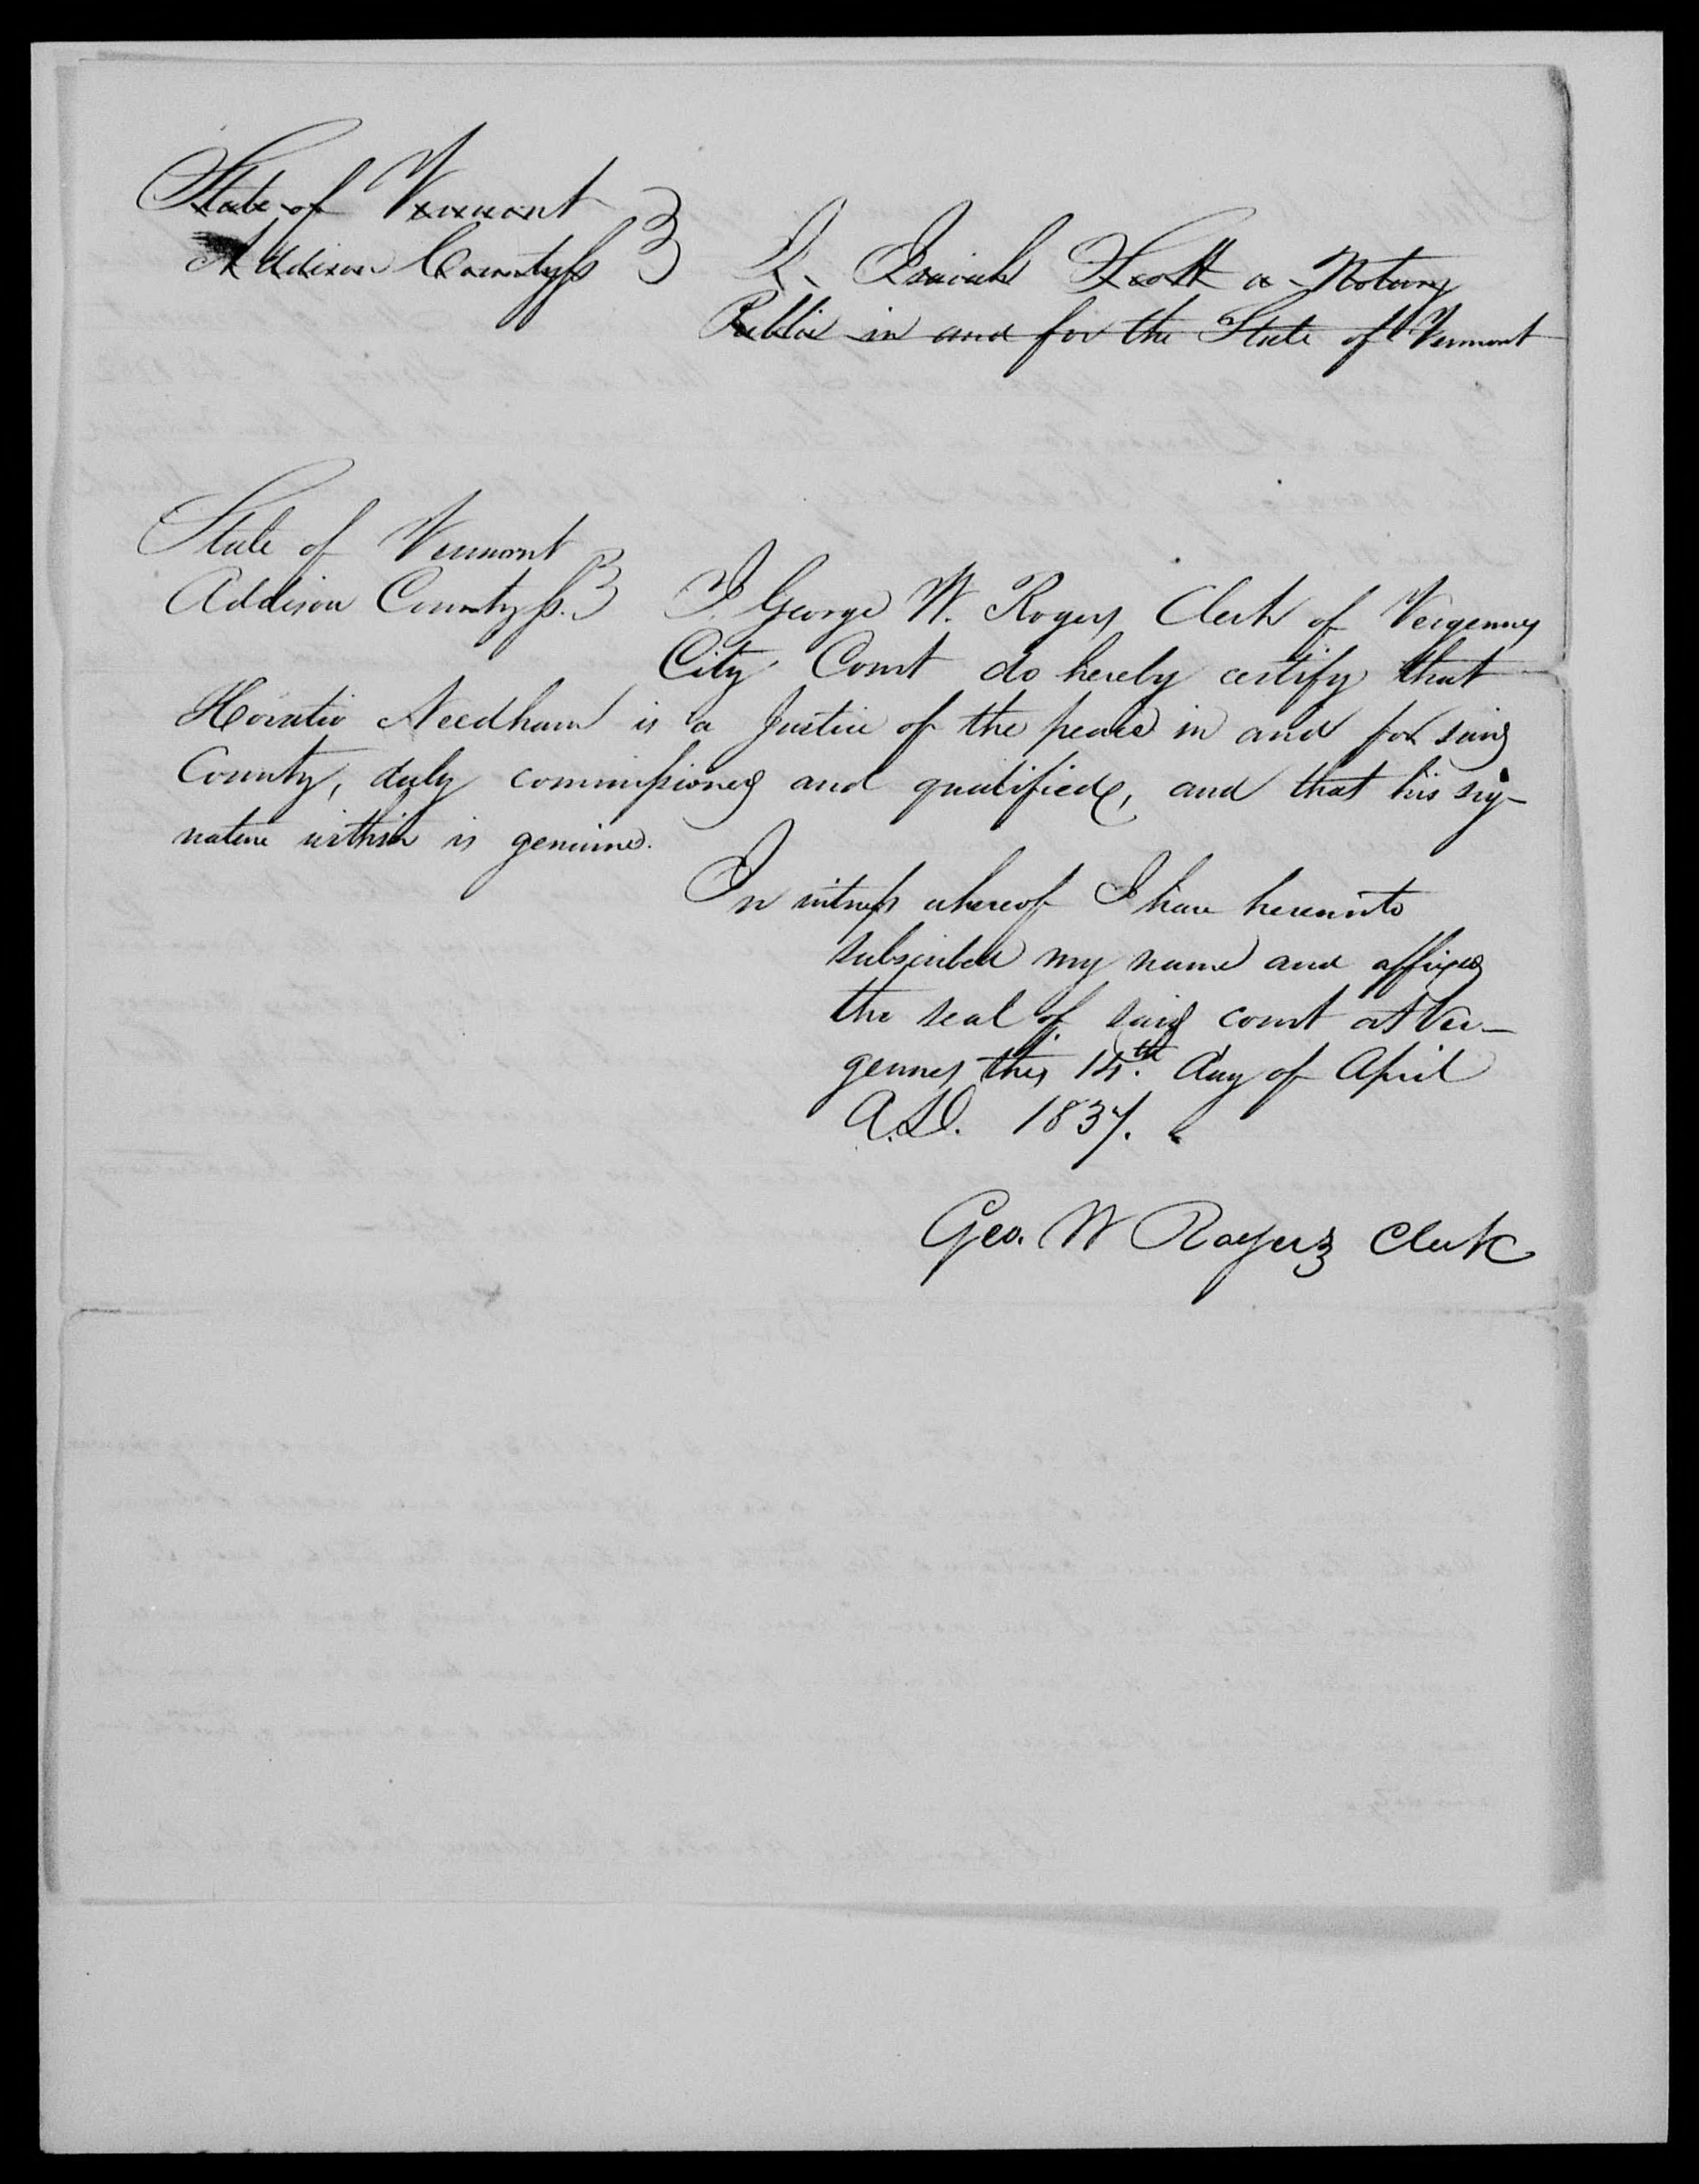State of Vermont
Addison County ss
I Isaiah Scott a Notary
Public in and for the State of Vermont 

State of Vermont
Addison County ss.
I, George W. Rogers Clerk of Vergennes
City, Court do hereby certify that
Horatio Needham is a Justice of the peace in and for said 
County, duly commissioned and qualified and that his signature 
within is genuine.
In witness whereof I have hereunto
Subscribed my name and affixed
the seal of said Court at Vergennes 
this 14th day of April A.D. 1834.
Geo. W Rogers Clerk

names: Isaiah Scott, Geo W Rogers, George W Rogers, Horatio Needham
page: 38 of 62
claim: widow's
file: W. 21391, Robert Holley, Conn.